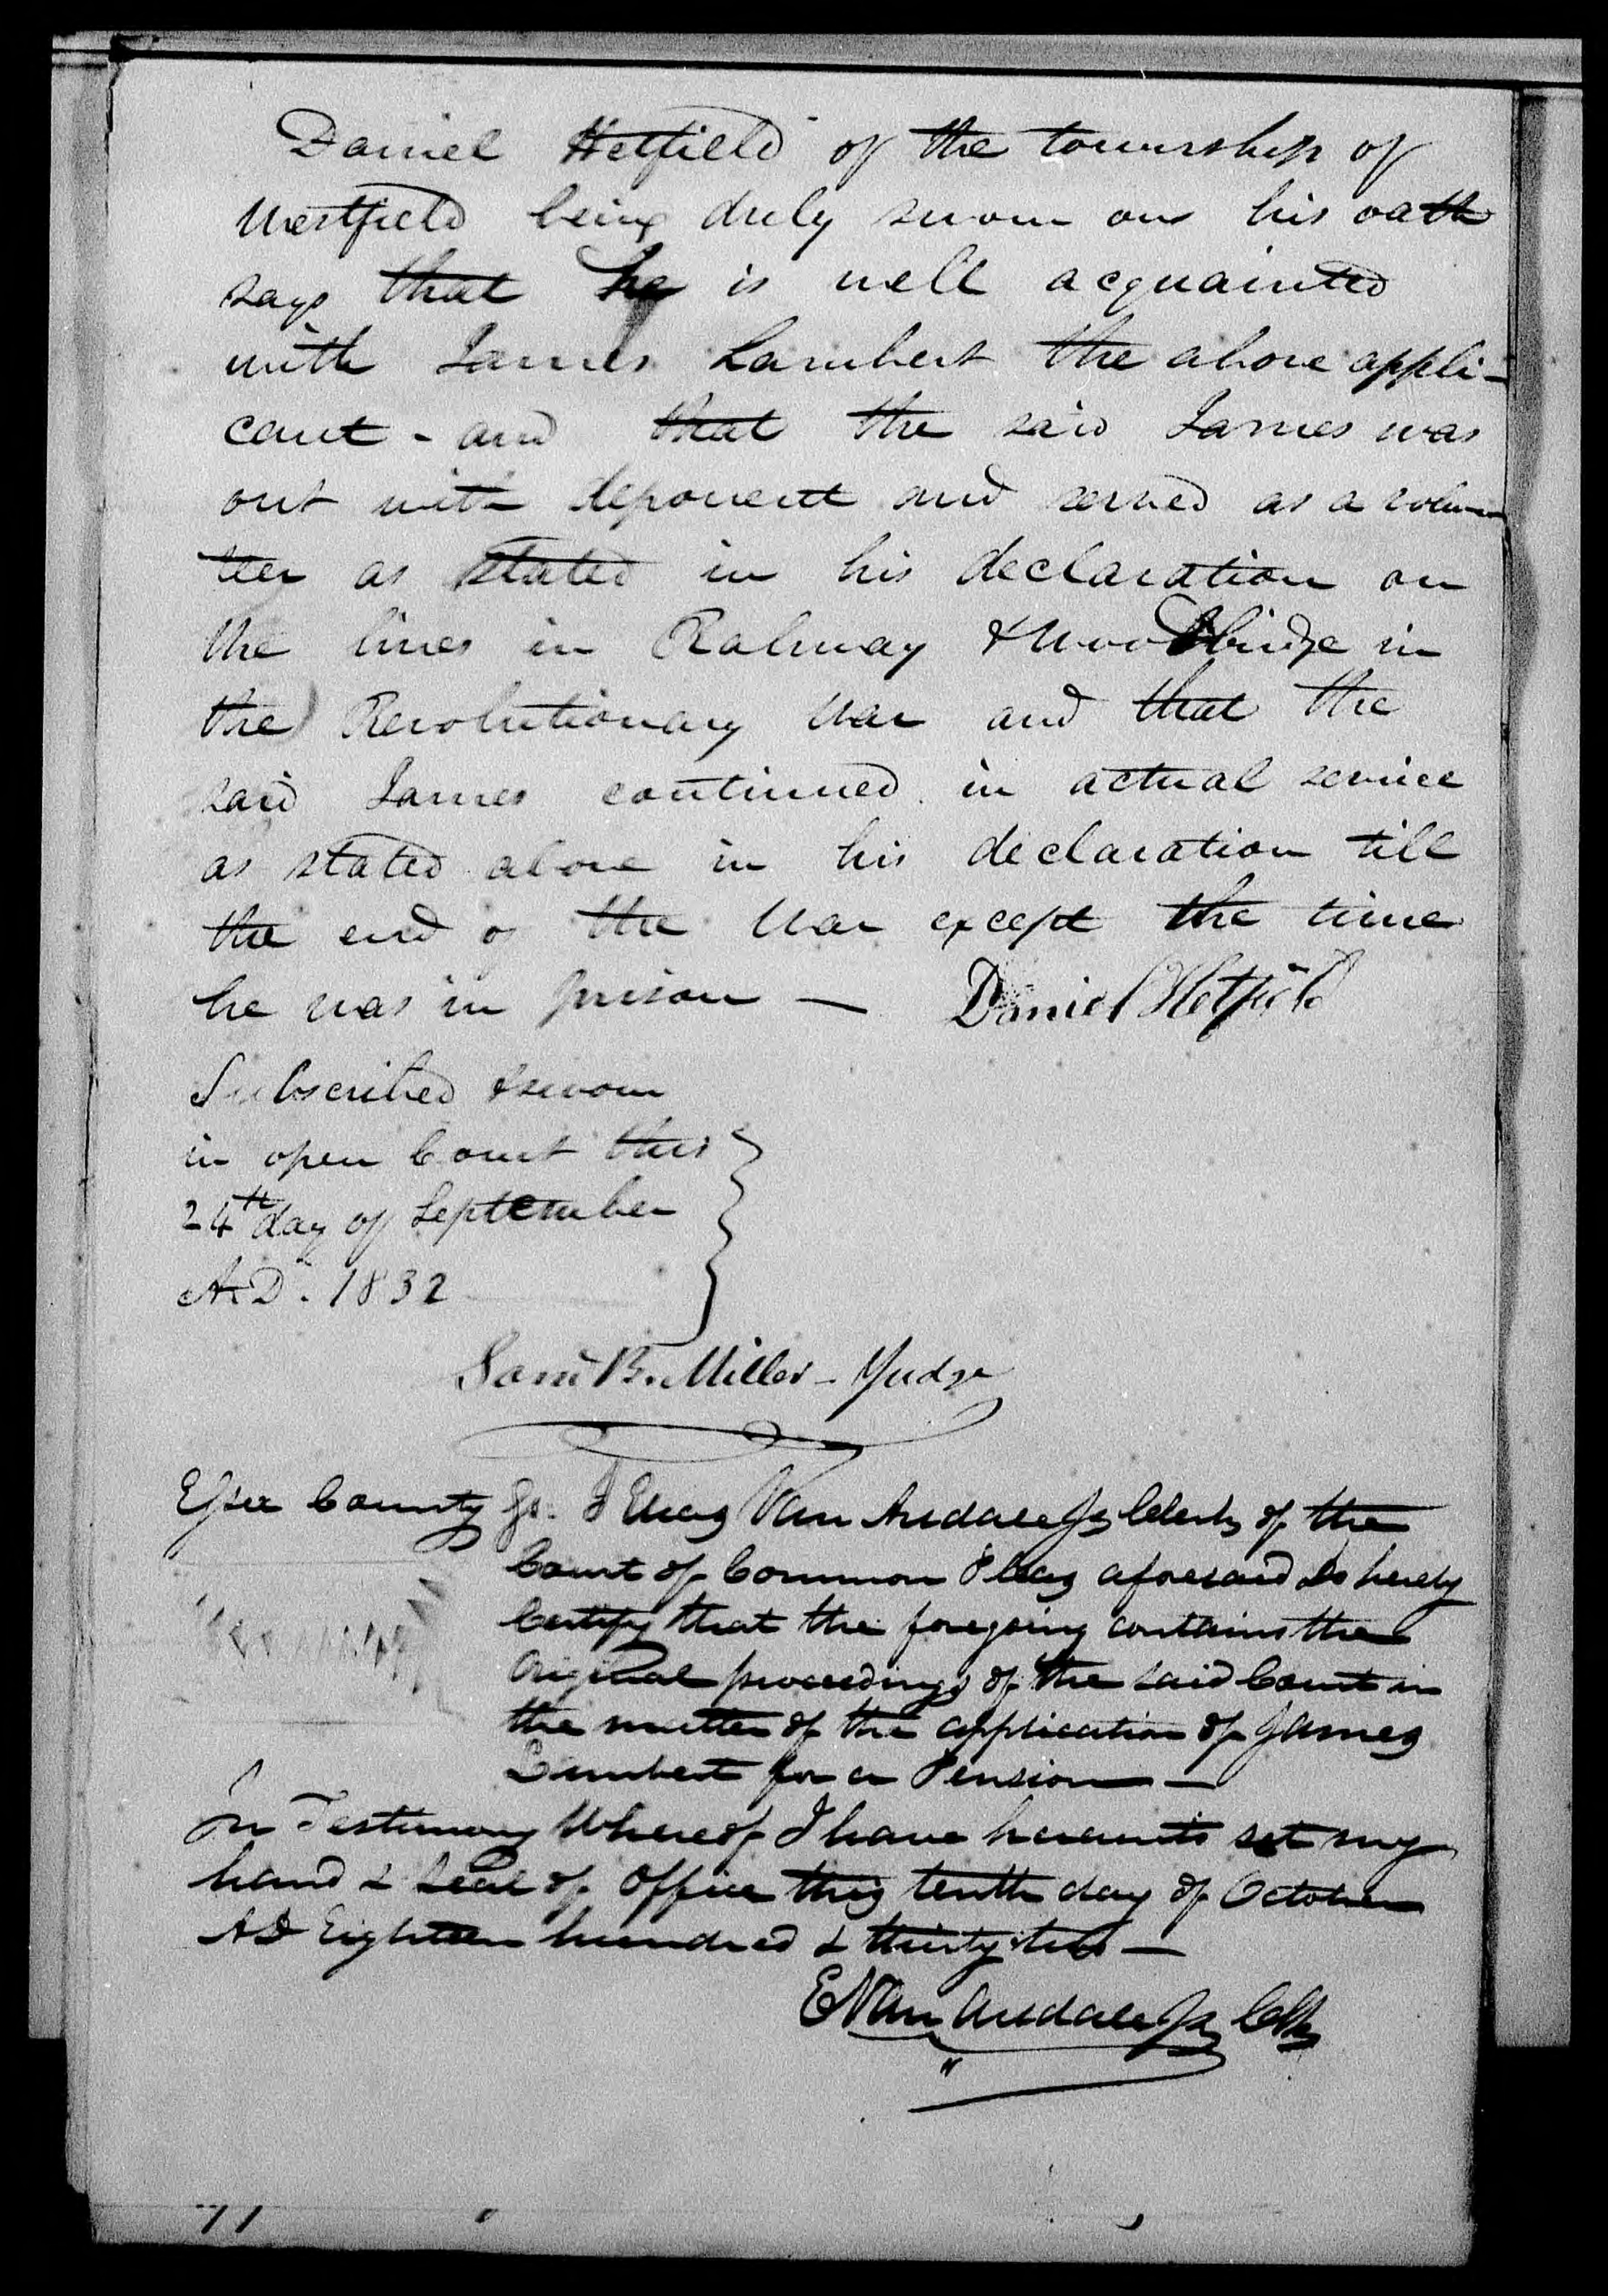Daniel Hatfield of the township of
Westfield being duly sworn on his oath
says that he is well acquainted with James Lambert the above applicant, and that the said James was out with deponent and served as a volunteer as stated in his declaration on
the lines in Rahway & Woodbridge in the Revolutionary war and that the said James continued in actual service as stated above in his declaration till the end of the war except the time he was in prison-
Daniel Hetfield
Subscribed & sworn in open Court this
24th day of September A.D. 1832
Sam B. Miller - Judge

Essex County Ss: I Elias Van Arsdale Jr Clerk of the
Court of Common Pleas aforesaid Do hereby
Certify that the foregoing contains the
original proceedings of the said Court in
the matter of the application of James
Lambert for a Pension-
In Testimony whereof I have hereunto set my
hand & seal of office this tenth day of October
AD Eighteen hundred & thirty two-
E Van Arsdale Jr Clk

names: Saml B Miller; Daniel Hetfield; Elias Van Arsdale; James Lambert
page: 12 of 49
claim: widow's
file: W. 859, for James Lambert, New Jersey